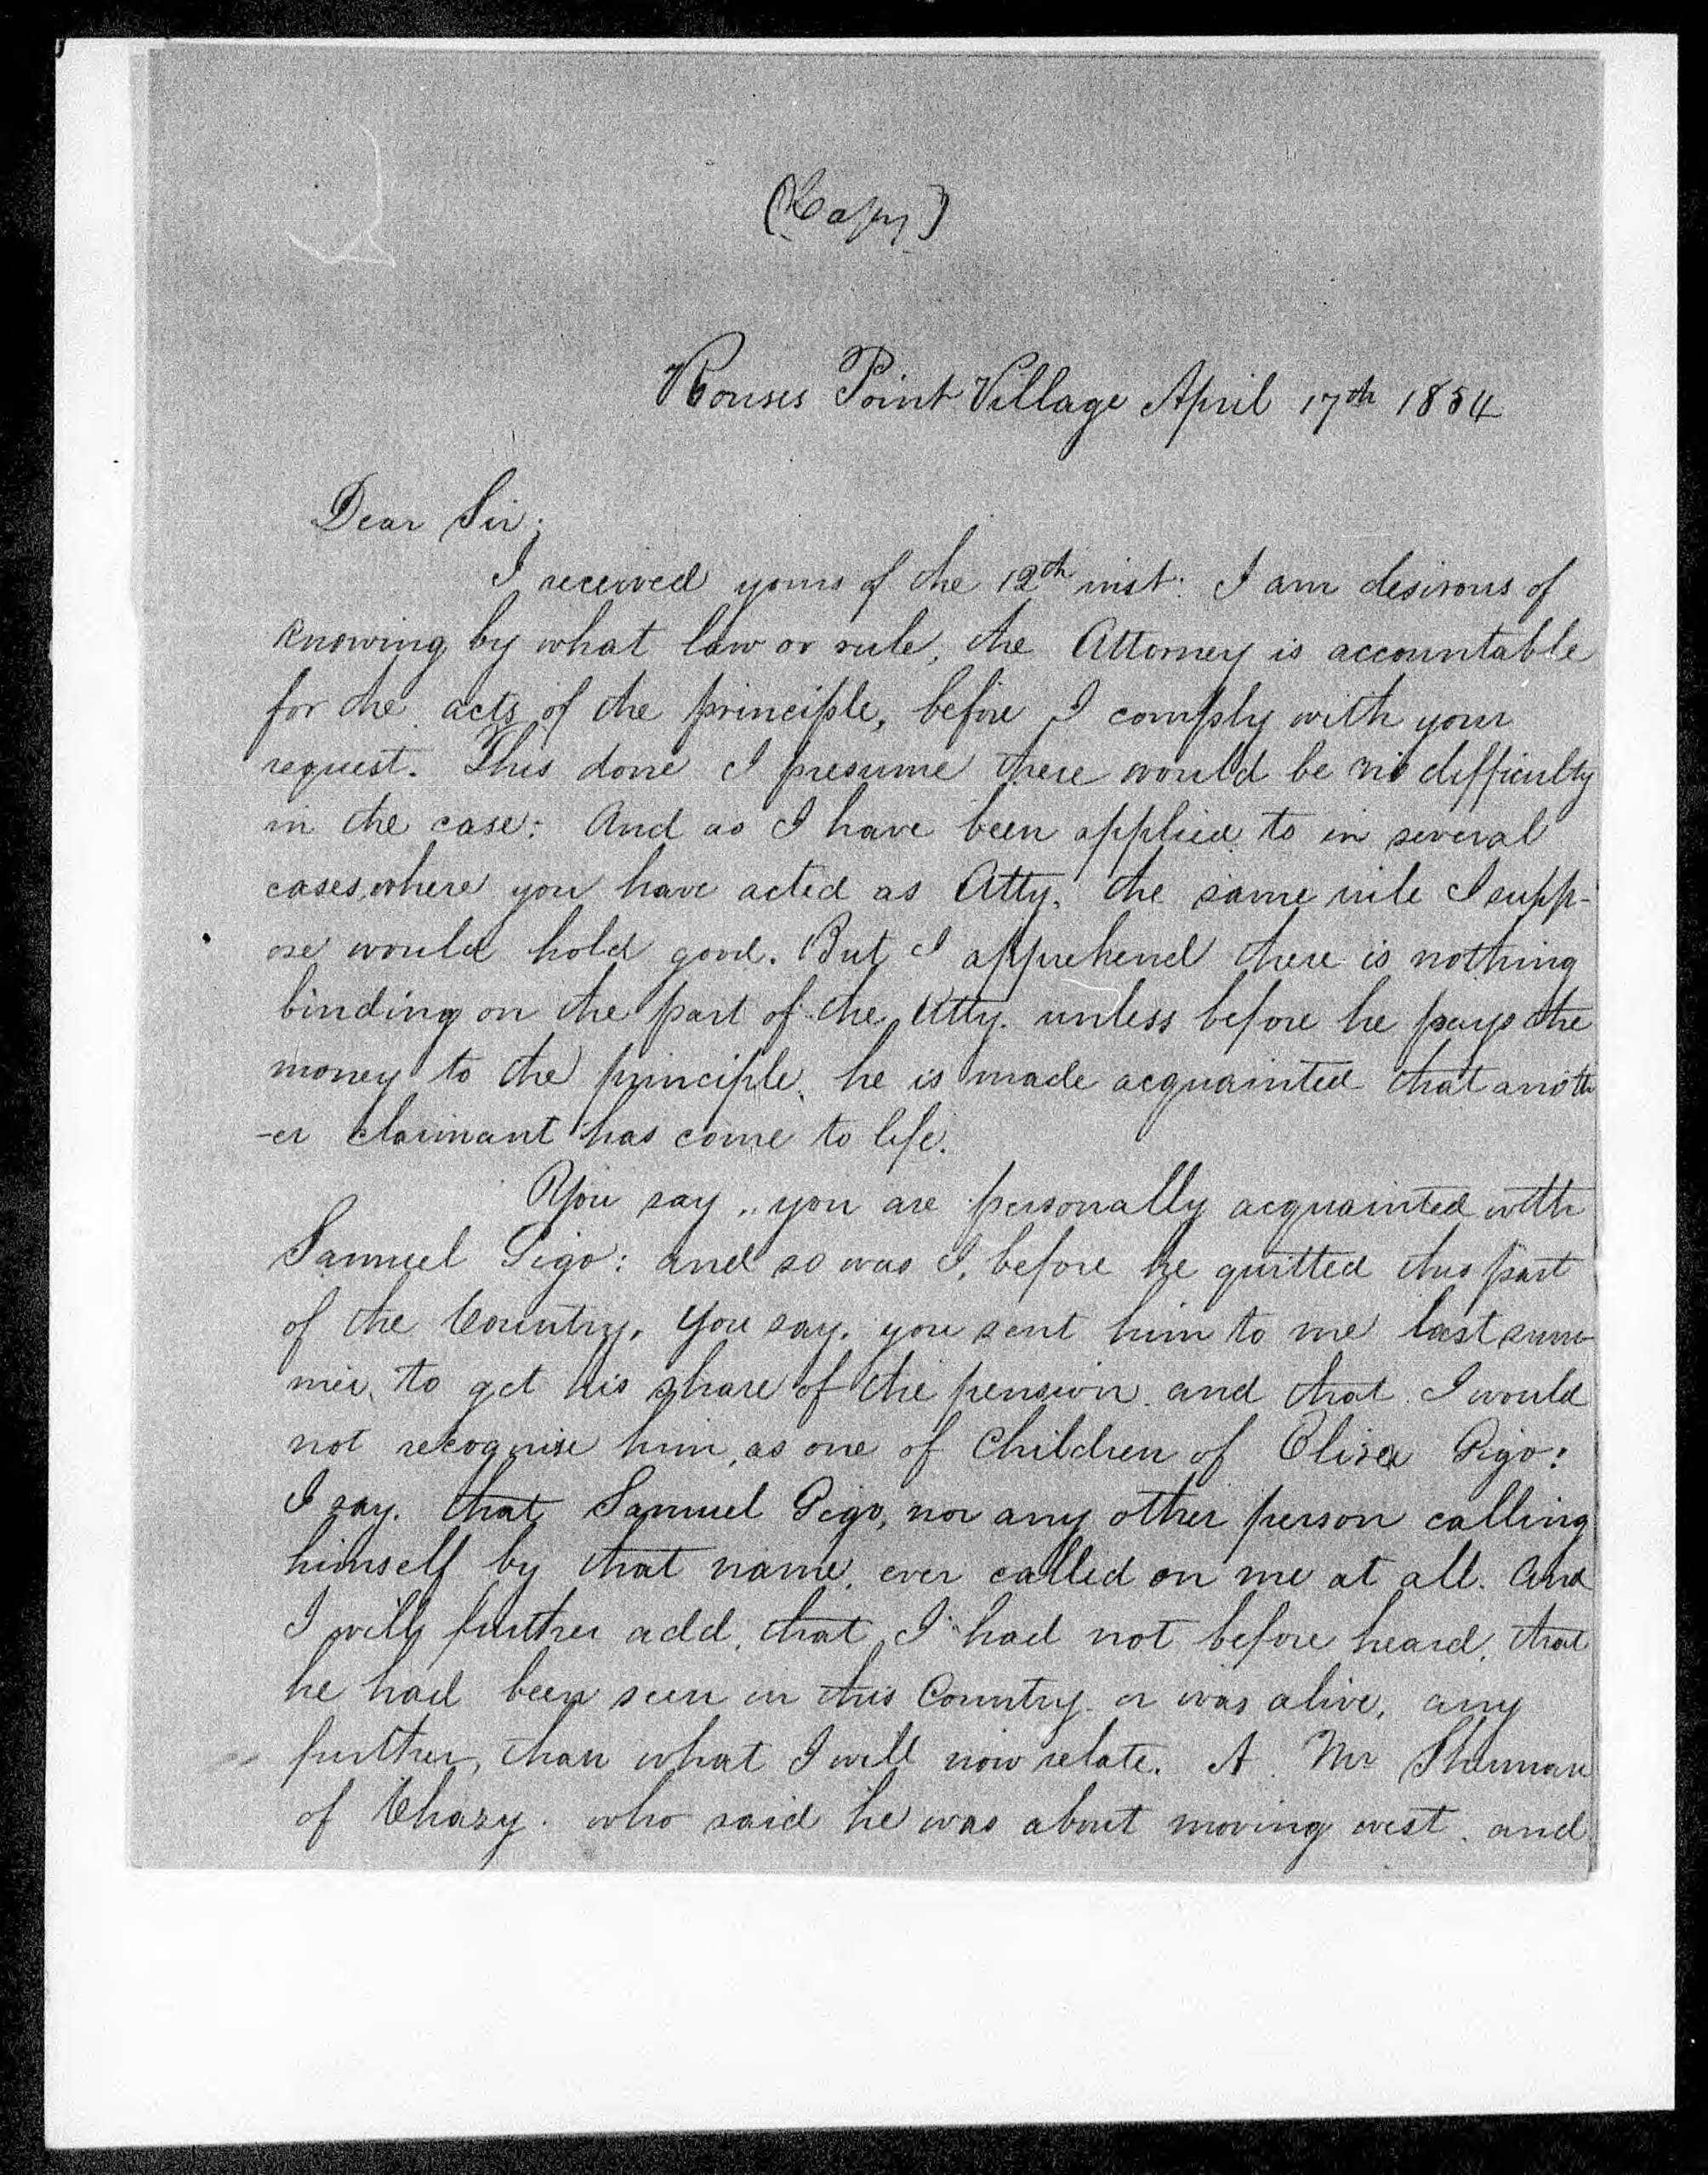(Copy)
Rouses Point Village  April 17th 1854

Dear Sir:
I received yours of the 12th inst.  I am desirous of knowing by what law or rule, the Attorney is accountable for the acts of the principle, before I comply with your request This done I presume there would be no difficulty in the case: And as I have been applied to in several cases where you have acted as Atty, the same wile I suppose would hold good. But I apprehend there is nothing binding on the part of the Atty unless before he pay the money to the principle, he is made acquainted that another claimant has come to life.

You say..you are personally acquainted with Samuel Gigo: and so was I, before he quitted this past of the Country. You say, you sent him to me last summer to get his share of the pension and that I would not recognise him, as one of the children of Eliza Gigo: I say that Samuel Gigo, nor any other person calling himself by that name, ever called on me at all. And I will further add that I had not before heard that he had been seen in this country or was alive, any further, than what I will now relate. A Mr. Sherman of Chazy who said he was about moving west, and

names: Samuel Gigo, Samuel Gigo, Eliza Gigo, Sherman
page: 63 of 98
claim: widow's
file: W. 21182, Francis Gigo, Continental (Canadian)